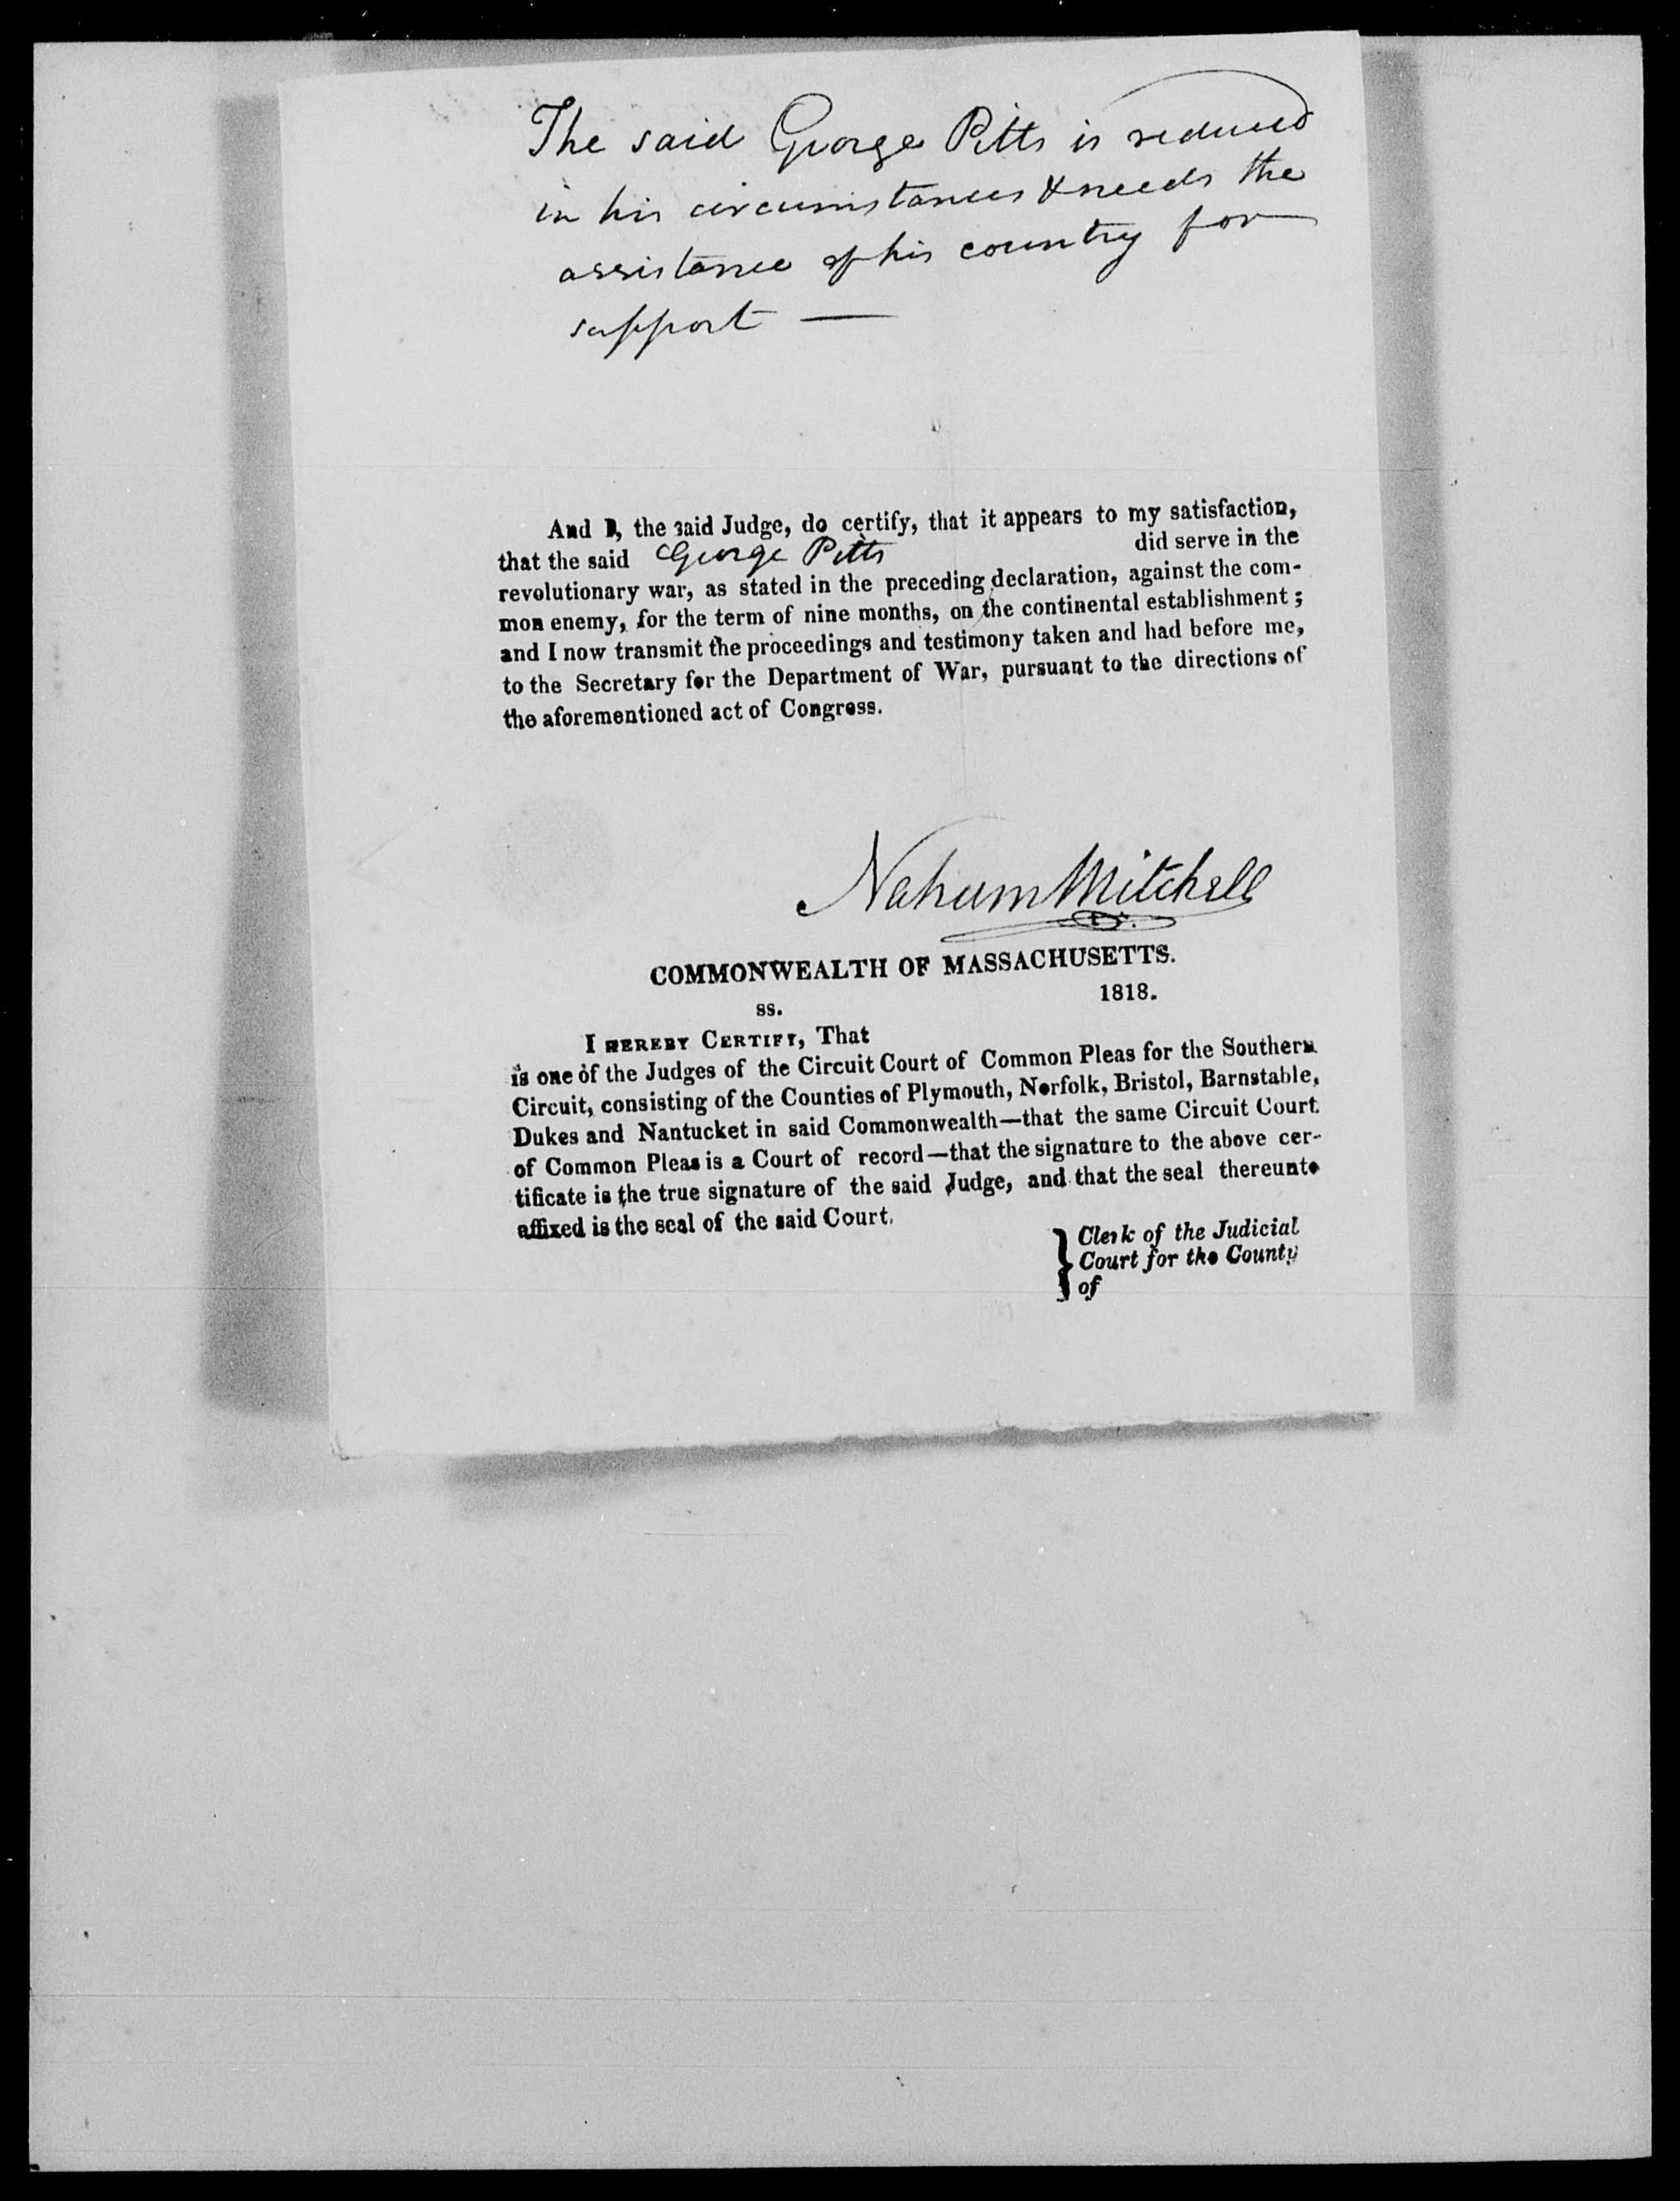The said George Pitts is reduced in his circumstances & needs the assistance of his country for support-
And I, the said Judge do certify, that it appears to my satisfaction, that the said George Pitts
did serve in the revolutionary war, as stated in the preceding declaration, against the common enemy, for the term of nine months, on the continental establishment;
and I now transmit the proceedings and testimony taken and had before me,
to the Secretary for the Department of War, pursuant to the directions of the aforementioned act of Congress.
Nahum Mitchell
COMMONWEALTH OF MASSACHUSETTS. ss
1818
I HEREBY CERTIFY, That [blank]
is one of the Judges of the Circuit Court of Common Pleas for the Southern
Circuit, consisting of the Counties of Plymouth, Norfolk, Bristol, Barnstable, Dukes and Nantucket in said Commonwealth that the same Circuit Court of Common Pleas is a Court of record that the signature to the above certificate is the true signature of the said Judge, and that the seal thereunto
affixed is the seal of the said Court.
Clerk of the Judicial
Court for the County
of [blank]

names: Nahum Mitchell; George Pitts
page: 54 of 54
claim: widow's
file: W. 26,897, for George Pitts, Massachusetts